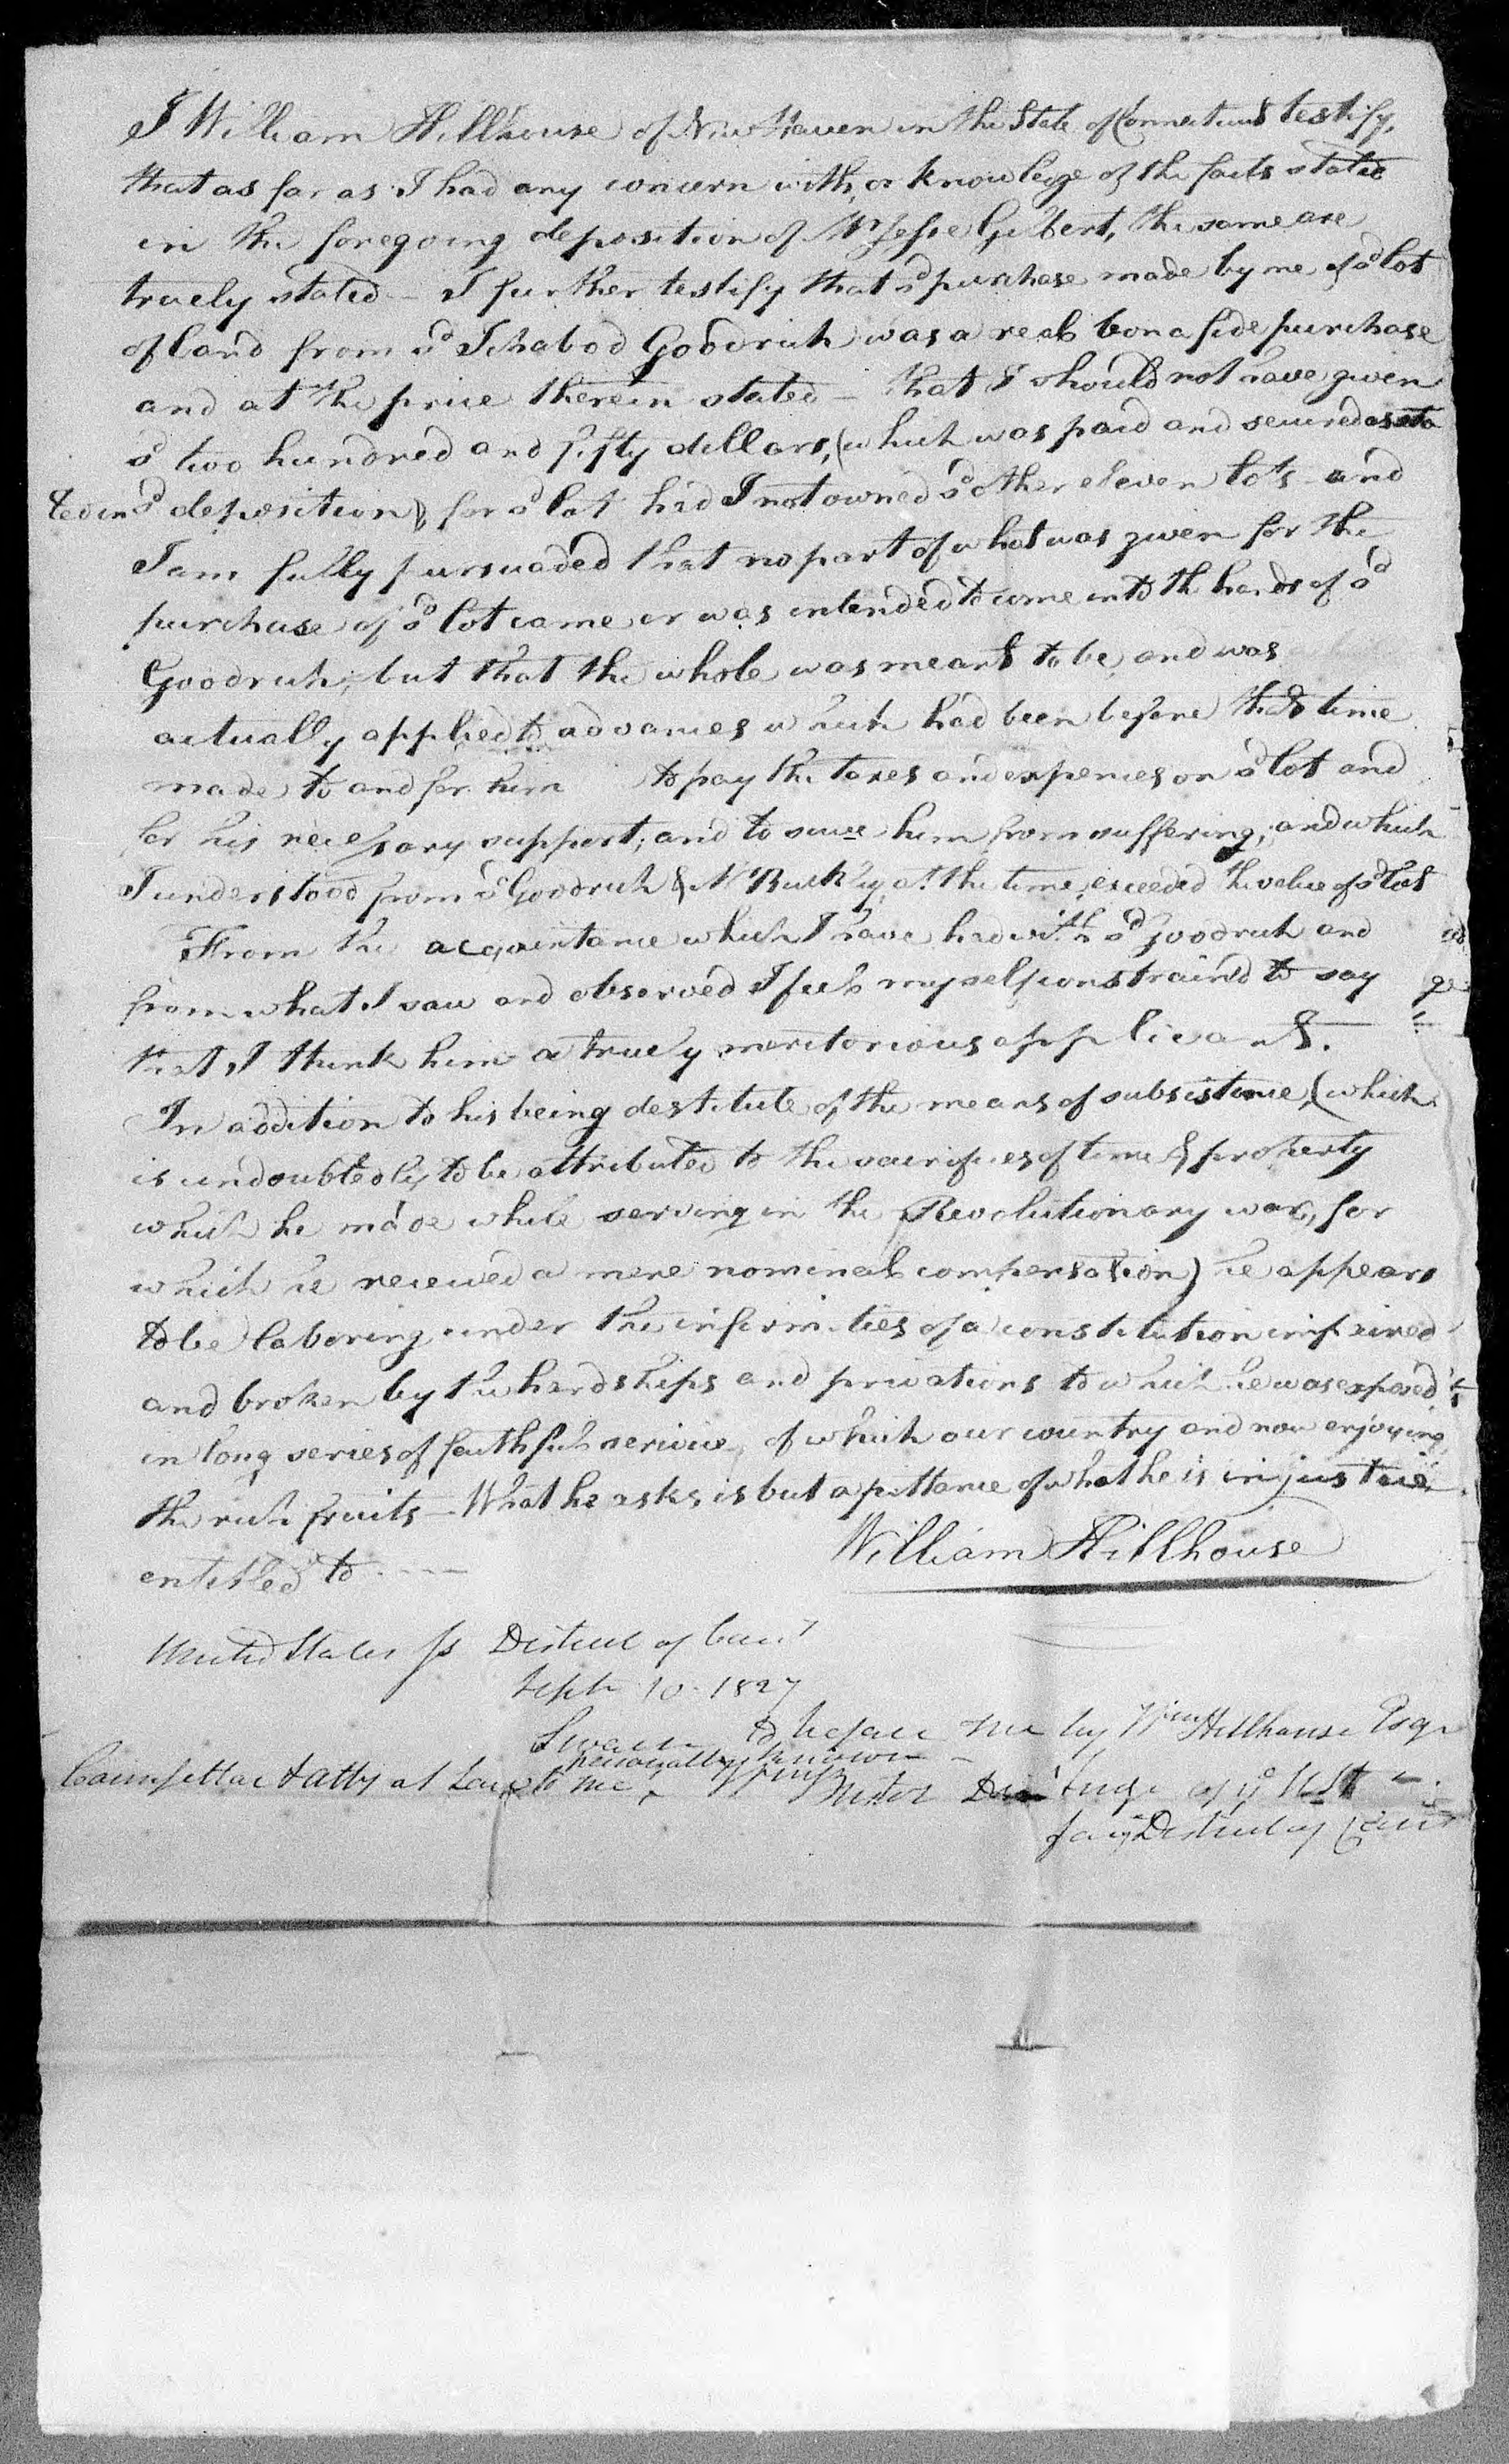I William Hillhouse of New Haven in the State of Connecticut testify that as far as I had any concern with or knowledge of the facts stated in the foregoing deposition of Mr. Jesse Gilbert, the same are truly stated. I further testify that said purchase made by me of said lot of land from said Ichabod Goodrich was a real bonafide purchase and at the price therein stated.
That I should not have given said two hundred and fifty dollars, (which was paid and secured as stated in said deposition), for a lot had I not owned said other seven lots. And I am fully persuaded that no part of what was given for the purchase of said lot came or was intended to come into the hands of said Goodrich but that the whole was meant to be and was actually applied to advances which had been before that time made to and for him to pay the taxes and expenses on said lot and for his necessary support, and to save him from suffering, and which I understood from said Goodrich & Mr. Buckley at the time exceeded the value of said lot.
From the acquaintance which I have had with said Goodrich and from what I saw and observed I feel myself constrained to say that I think him a truly meritorious applicant.
In addition to his being destitute of the means of subsistence (which is undoubtedly to be attributed to the [illegible] of time & property which he made while serving in the Revolutionary war, for which he received a mere nominal compensation) he appears to be laboring under the infirmities of a constitution impaired and broken by the hardships and privations to which he was exposed in long series of faithful services, of which our country and now enjoying the rich profits. That he asks us but a pittance of what he is in justice entitled to.
William Hillhouse

United States Ss District of Connt
Sept 10, 1827

Sworn before me by Wm Hillhouse Esq counsellor & atty at law to me personally known. 
Wm Bristor District Judge of said Dist of said District of Connt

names: Jesse Gilbert, Goodrich, Goodrich, Buckley, Wm Bristor, William Hillhouse, William Hillhouse, Ichabod Goodrich, Goodrich, Wm Hillhouse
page: 27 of 46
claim: survivor's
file: S. 36,556, Ichabod Goodrich, Conn.